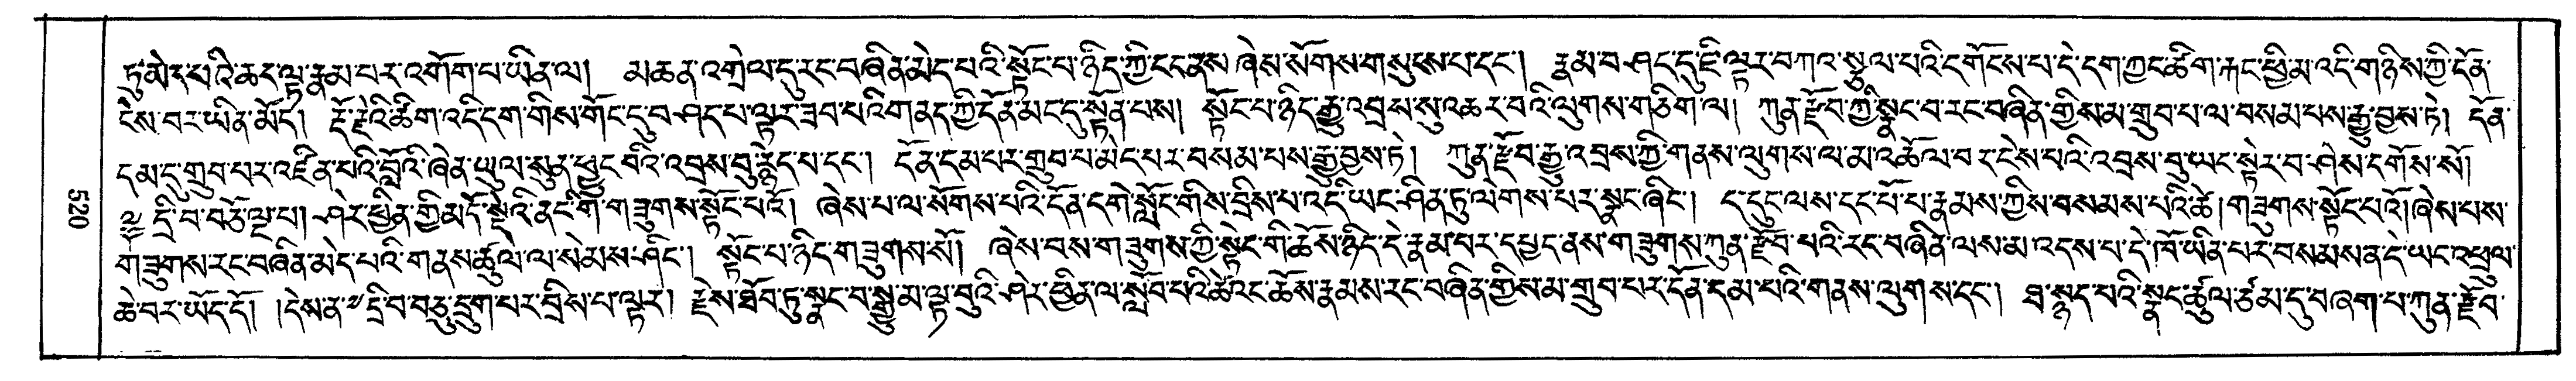ཏུ་མེད་པའི་ཆད་ལྟ་རྣམ་པར་འགོག་པ་ཡིན་ལ། མཆན་འགྲེལ་དུ་རང་བཞིན་མེད་པའི་སྟོང་པ་ཉིད་ཀྱི་ངང་ནས། ཞེས་སོགས་གསུངས་པ་དང་། རྣམ་བཤད་དུ་ཇི་ལྟར་བཀའ་སྩལ་པའི་དགོངས་པ་དེ་དག་ཀྱང་ཚིག་རྐང་ཕྱི་མ་འདི་གཉིས་ཀྱི་དོན་
ངེས་པར་ཡིན་མོད། རྡོ་རྗེའི་ཚིག་འདི་དག་གིས་གོང་དུ་བཤད་པ་ལྟར་ཟབ་པའི་གནད་ཀྱི་དོན་མང་དུ་སྟོན་པས། སྟོང་པ་ཉིད་རྒྱུ་འབྲས་སུ་འཆར་བའི་ལུགས་གཅིག་ལ། ཀུན་རྫོབ་ཀྱི་སྣང་བ་རང་བཞིན་གྱིས་མ་གྲུབ་པ་ལ་བསམ་པས་རྒྱུ་བྱས་ཏེ། དོན་
དམ་དུ་གྲུབ་པར་འཛིན་པའི་བློའི་ཞེན་ཡུལ་སུན་ཕྱུང་བའི་འབྲས་བུ་རྙེད་བ་དང་། དོན་དམ་པར་གྲུབ་པ་མེད་པར་བསམ་པས་རྒྱུ་བྱས་ཏེ། ཀུན་རྫོབ་རྒྱུ་འབྲས་ཀྱི་གནས་ལུགས་ལ་མ་འཆོལ་བར་ངེས་པའི་འབྲས་བུ་ཡང་སྟེར་བ་ཤེས་དགོས་སོ། །
༈ དྲི་བ་བཅོ་ལྔ་པ། ཤེར་ཕྱིན་གྱི་མདོ་སྡེའི་ནང་གི་གཟུགས་སྟོང་པའོ། ཞེས་པ་ལ་སོགས་པའི་དོན་དགེ་སློང་གིས་བྲིས་པ་འདི་ཡང་ཤིན་ཏུ་ལེགས་པར་སྣང་ཞིང་། ད་དུང་ལས་དང་པོ་པ་རྣམས་ཀྱིས་བསམས་པའི་ཚེ། གཟུགས་སྟོང་པའོ། ཞེས་པས་
གཟུགས་རང་བཞིན་མེད་པའི་གནས་ཚུལ་ལ་སེམས་ཤིང་། སྟོང་པ་ཉིད་གཟུགས་སོ། ཞེས་པས་གཟུགས་ཀྱི་སྟེང་གི་ཆོས་ཉིད་དེ་རྣམ་པར་དཔྱད་ནས་གཟུགས་ཀུན་རྫོབ་པའི་རང་བཞིན་ལས་མ་འདས་པ་དེ་ཁོ་ཡིན་པར་བསམས་ན་དེ་ཡང་འཕྲུལ་
ཆེ་བར་ཡོད་དོ། །དེས་ན་༧་དྲི་བ་བཅུ་དྲུག་པར་བྲིས་པ་ལྟར། རྗེས་ཐོབ་ཏུ་སྣང་བ་སྒྱུ་མ་ལྟ་བུའི་ཤེར་ཕྱིན་ལ་སློབ་པའི་ཚེའང་ཆོས་རྣམས་རང་བཞིན་གྱིས་མ་གྲུབ་པར་དོན་དམ་པའི་གནས་ལུགས་དང་། ཐ་སྙད་པའི་སྣང་ཚུལ་ཙམ་དུ་བཞག་པ་ཀུན་རྫོབ་